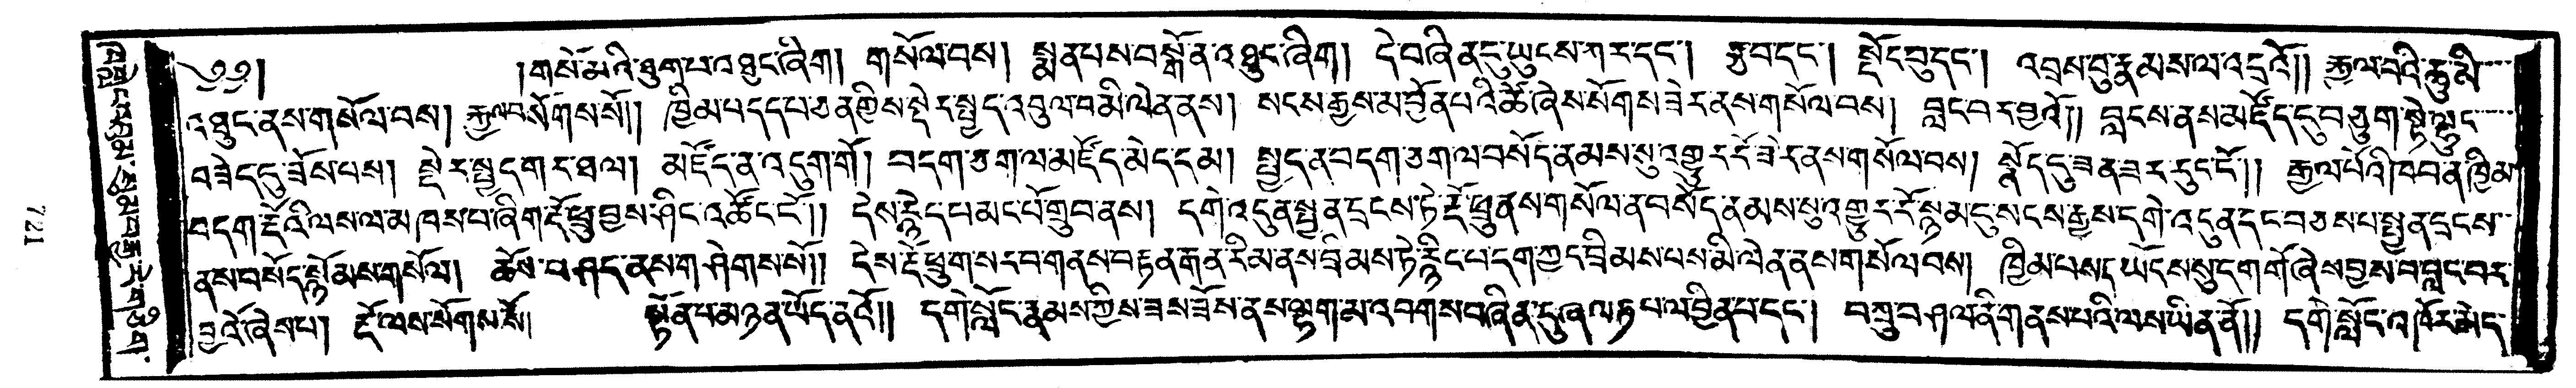༄༅། །གསོ་མའི་ཐུག་པ་འཐུང་ཞིག། གསོལ་བས། སྨན་པས་བསྒོ་ན་འཐུང་ཞིག། དེ་བཞིན་དུ་ཡུངས་ཀར་དང་། རྩ་བ་དང་། སྡོང་བུ་དང་། འབྲས་བུ་རྣམས་ལ་འདྲའོ། །རྐྱལ་བའི་ཆུ་མི་
འཐུང་ནས་གསོལ་བས། རྐྱལ་བ་སོགས་སོ། །ཁྱིམ་པ་དད་པ་ཅན་གྱིས་སྡེར་སྤྱད་འབུལ་བ་མི་ལེན་ནས། སངས་རྒྱས་མ་བྱོན་པའི་ཚེ་ཞེས་སོགས་ཟེར་ནས་གསོལ་བས། བླང་བར་བྱའོ། །བླངས་ནས་མཛོད་དུ་བཅུག་སྟེ་ལྷུང་
བཟེད་དུ་ཟོས་པས། སྡེར་སྤྱད་གར་ཐལ། མཛོད་ན་འདུག་གོ། བདག་ཅག་ལ་མཛོད་མེད་དམ། སྤྱད་ན་བདག་ཅག་ལ་བསོད་ནམས་སུ་འགྱུར་རོ་ཟེར་ནས་གསོལ་བས། སྣོད་དུ་ཟན་ཟར་རུང་ངོ། །རྒྱལ་པོའི་ཁབ་ན་ཁྱིམ་
བདག་རྡོའི་ལས་ལ་མཁས་པ་ཞིག་རྡོ་ཕྲུ་བྱས་ཤིང་འཚོང་ངོ། །དེས་རྙེད་པ་མང་པོ་གྲུབ་ནས། དགེ་འདུན་སྤྱན་དྲངས་ཏེ་རྡོ་ཕྲུ་ནས་གསོལ་ན་བསོད་ནམས་སུ་འགྱུར་རོ་སྙམ་དུ་སངས་རྒྱས་དགེ་འདུན་དང་བཅས་པ་སྤྱན་དྲངས་
ནས་བསོད་སྙོམས་གསོལ། ཆོས་བཤད་ནས་གཤེགས་སོ། །དེས་རྡོ་ཕྲུ་ག་སར་བ་གནས་བརྟན་རྒན་རིམ་ནས་བྲིམས་ཏེ་རྙིང་པ་དག་ཀྱང་བྲིམས་པས་མི་ལེན་ནས་གསོལ་བས། ཁྱིམ་བསད་ཡོངས་སུ་དག་གོ་ཞེས་བྱས་བ་བླང་བར་
བྱའོ་ཞེས་པ། རྡོ་ལས་སོགས་སོ། སྟོན་པ་མཉན་ཡོད་ནའོ། །དགེ་སློང་རྣམས་ཀྱིས་ཟས་ཟོས་ནས་ལྷག་མ་འབགས་བཞིན་དུ་ཞལ་ཏ་པ་ལ་བྱིན་པ་དང་། བཀྲུ་བཤལ་ནི་གནས་པའི་ལས་ཡིན་ནོ། །དགེ་སློང་འཁོར་མེད་